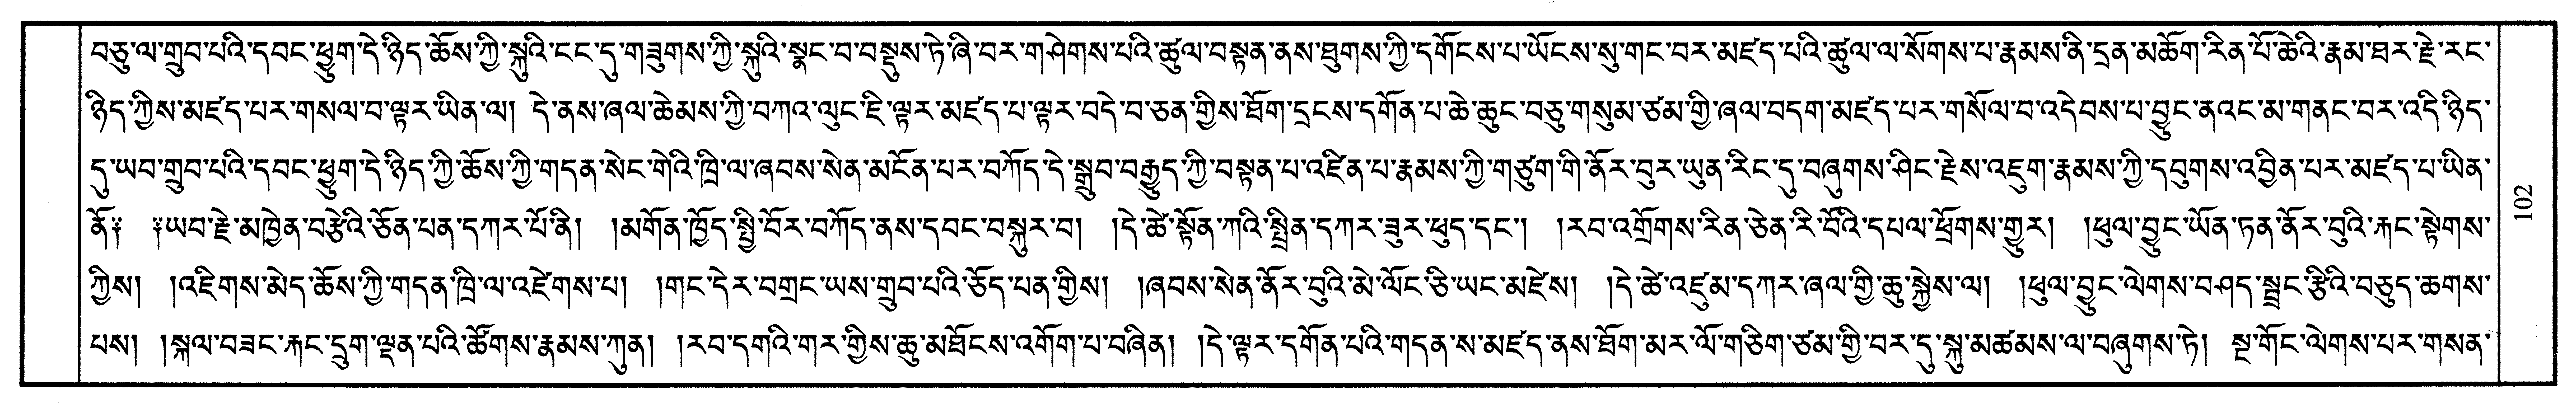བཅུ་ལ་གྲུབ་པའི་དབང་ཕྱུག་དེ་ཉིད་ཆོས་ཀྱི་སྐུའི་ངང་དུ་གཟུགས་ཀྱི་སྐུའི་སྣང་བ་བསྡུས་ཏེ་ཞི་བར་གཤེགས་པའི་ཚུལ་བསྟན་ནས་ཐུགས་ཀྱི་དགོངས་པ་ཡོངས་སུ་གང་བར་མཛད་པའི་ཚུལ་ལ་སོགས་པ་རྣམས་ནི་དྲན་མཆོག་རིན་པོ་ཆེའི་རྣམ་ཐར་རྗེ་རང་
ཉིད་ཀྱིས་མཛད་པར་གསལ་བ་ལྟར་ཡིན་ལ། དེ་ནས་ཞལ་ཆེམས་ཀྱི་བཀའ་ལུང་ཇི་ལྟར་མཛད་པ་ལྟར་བདེ་བ་ཅན་གྱིས་ཐོག་དྲངས་དགོན་པ་ཆེ་ཆུང་བཅུ་གསུམ་ཙམ་གྱི་ཞལ་བདག་མཛད་པར་གསོལ་བ་འདེབས་པ་བྱུང་ནའང་མ་གནང་བར་འདི་ཉིད་
དུ་ཡབ་གྲུབ་པའི་དབང་ཕྱུག་དེ་ཉིད་ཀྱི་ཆོས་ཀྱི་གདན་སེང་གེའི་ཁྲི་ལ་ཞབས་སེན་མངོན་པར་བཀོད་དེ་སྒྲུབ་བརྒྱུད་ཀྱི་བསྟན་པ་འཛིན་པ་རྣམས་ཀྱི་གཙུག་གི་ནོར་བུར་ཡུན་རིང་དུ་བཞུགས་ཤིང་རྗེས་འཇུག་རྣམས་ཀྱི་དབུགས་འབྱིན་པར་མཛད་པ་ཡིན་
ནོ༑ ༑ཡབ་རྗེ་མཁྱེན་བརྩེའི་ཅོན་པན་དཀར་པོ་ནི། །མགོན་ཁྱོད་སྤྱི་བོར་བཀོད་ནས་དབང་བསྐུར་བ། །དེ་ཚེ་སྟོན་ཀའི་སྤྲིན་དཀར་ཟུར་ཕུད་དང་། །རབ་འགྲོགས་རིན་ཅེན་རི་བོའི་དཔལ་ཕྲོགས་གྱུར། །ཕུལ་བྱུང་ཡོན་ཏན་ནོར་བུའི་རྐང་སྟེགས་
ཀྱིས། །འཇིགས་མེད་ཆོས་ཀྱི་གདན་ཁྲི་ལ་འཛེགས་པ། །གང་དེར་བགྲང་ཡས་གྲུབ་པའི་ཅོད་པན་གྱིས། །ཞབས་སེན་ནོར་བུའི་མེ་ལོང་ཅི་ཡང་མཛེས། །དེ་ཚེ་འཛུམ་དཀར་ཞལ་གྱི་ཆུ་སྐྱེས་ལ། །ཕུལ་བྱུང་ལེགས་བཤད་སྦྲང་རྩིའི་བཅུད་ཆགས་
པས། །སྐལ་བཟང་རྐང་དྲུག་ལྡན་པའི་ཚོགས་རྣམས་ཀུན། །རབ་དགའི་གར་གྱིས་ཆུ་མཐོངས་འགོག་པ་བཞིན། །དེ་ལྟར་དགོན་པའི་གདན་ས་མཛད་ནས་ཐོག་མར་ལོ་གཅིག་ཙམ་གྱི་བར་དུ་སྐུ་མཚམས་ལ་བཞུགས་ཏེ། སྔ་གོང་ལེགས་པར་གསན་